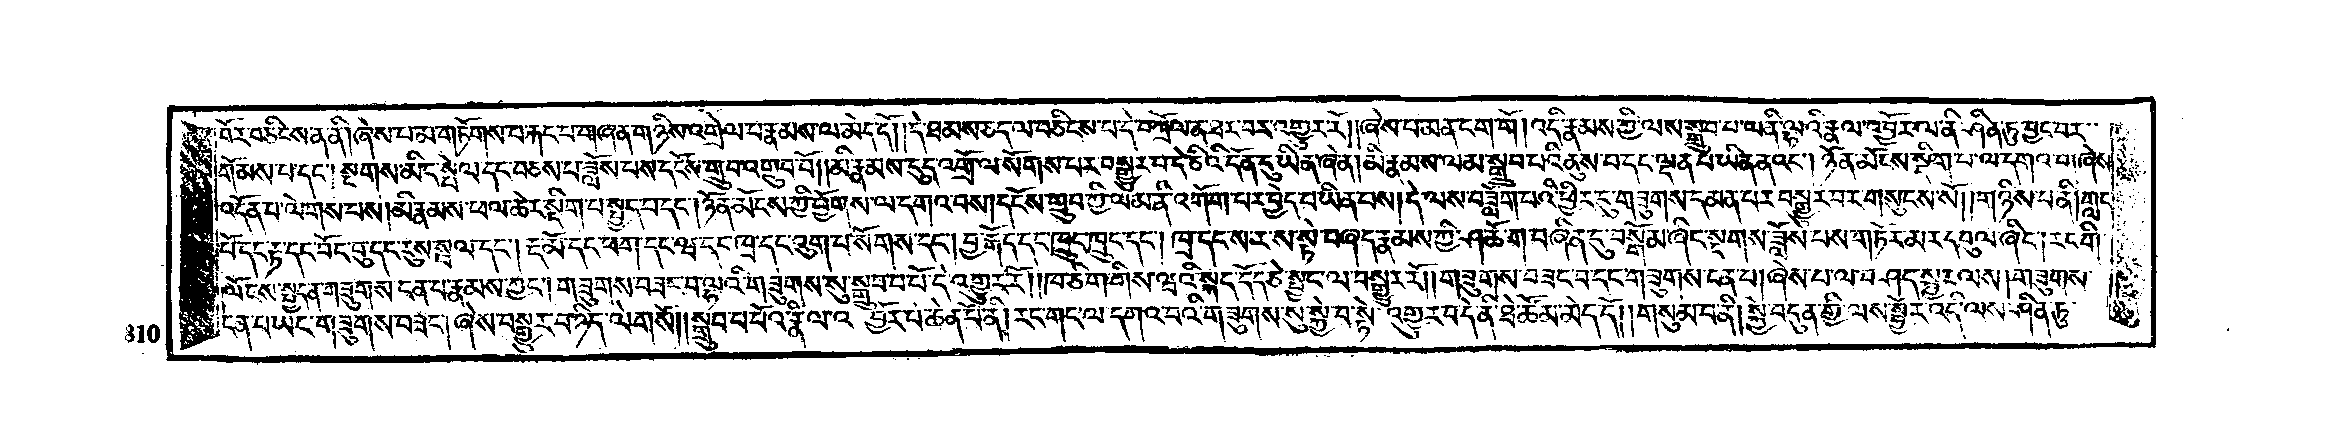བོར་བཅིངས་ན་ནི། ཞེས་པ་མ་གཏོགས་པ་རྐང་པ་གཞན་གཉིས་འགྲེལ་པ་རྣམས་ལ་མེད་དོ། །དེ་ཐམས་ཅད་ལ་བཅིངས་པ་དེ་བཀྲོལ་ན་ཐར་བར་འགྱུར་རོ། །ཞེས་པ་མན་ངག་གོ །འདི་རྣམས་ཀྱི་ལས་སྒྲུབ་པ་ལ་ནི་ལྷའི་རྣལ་འབྱོར་ལ་ནི་ཤིན་ཏུ་བྱང་བར་
གོམས་པ་དང་། སྔགས་མིང་སྤེལ་དང་བཅས་པ་ཟློས་པས་དངོས་གྲུབ་འགྲུབ་བོ། །མི་རྣམས་ངུད་འགྲོ་ལ་སོགས་པར་བསྒྱུར་པ་དེ་ཅིའི་དོན་དུ་ཡིན་ཞེ་ན། མི་རྣམས་ལམ་སྒྲུབ་པའི་ནུས་པ་དང་ལྡན་པ་ཡིན་ནའང་། ཉོན་མོངས་སྡིག་པ་ལ་དགའ་བ། ཞེས་
འདོན་པ་ལེགས་པས། མི་རྣམས་ཕལ་ཆེར་སྡིག་པ་སྤྱད་པ་དང་། ཉོན་མོངས་ཀྱི་ཕྱོགས་ལ་དགའ་བས། དངོས་གྲུབ་ཀྱི་ལམ་ནི་འགོག་པར་བྱེད་པ་ཡིན་པས། དེ་ལས་བཟློག་པའི་ཕྱིར་དུ་གཟུགས་དམན་པར་བསྒྱུར་བར་གསུངས་སོ། །གཉིས་པ་ནི། གླང་
པོ་དང་རྟ་དང་བོང་བུ་དང་རུས་སྦལ་དང་། རྔ་མོ་དང་ཕག་དང་ཝ་དང་ཁྭ་དང་འུག་པ་སོགས་དང་། བྱ་རྒོད་དང་ཁྲུང་ཁྲུང་དང་། ཁྲ་དང་ས་ར་ས་སྟེ་བཞད་རྣམས་ཀྱི་ཤ་ཆོ་ག་བཞིན་དུ་བསྒོམ་ཞིང་སྔགས་ཟློས་པས་གཏོར་མར་དབུལ་ཞིང་། རང་གི་
ལོངས་སྤྱད་ན་གཟུགས་ངན་པ་རྣམས་ཀྱང་། གཟུགས་བཟང་བ་ལྷའི་གཟུགས་སུ་སྒྲུབ་པ་པོ་དེ་འགྱུར་རོ། །ཁ་ཅིག་གིས་ཝའི་སྐད་དོད་ཅེ་སྤྱང་ལ་བསྒྱུར་རོ། །གཟུགས་བཟང་བ་དང་གཟུགས་ངན་པ། ཞེས་པ་ལ་བཤད་སྦྱར་ལས། གཟུགས་
ངན་པ་ཡང་གཟུགས་བཟང་། ཞེས་བསྒྱུར་བ་ཉིད་ལེགས་སོ། །སྒྲུབ་པ་པོའི་རྣལ་འབྱོར་པ་ཆེན་པོ་ནི། རང་གང་ལ་དགའ་བའི་གཟུགས་སུ་སྐྱེ་བ་སྟེ་འགྱུར་བ་དེ་ནི་ཐེ་ཚོམ་མེད་དོ། །གསུམ་པ་ནི། སྐྱེ་བདུན་གྱི་ལས་སྦྱོར་འདི་ལས་ཤིན་ཏུ་